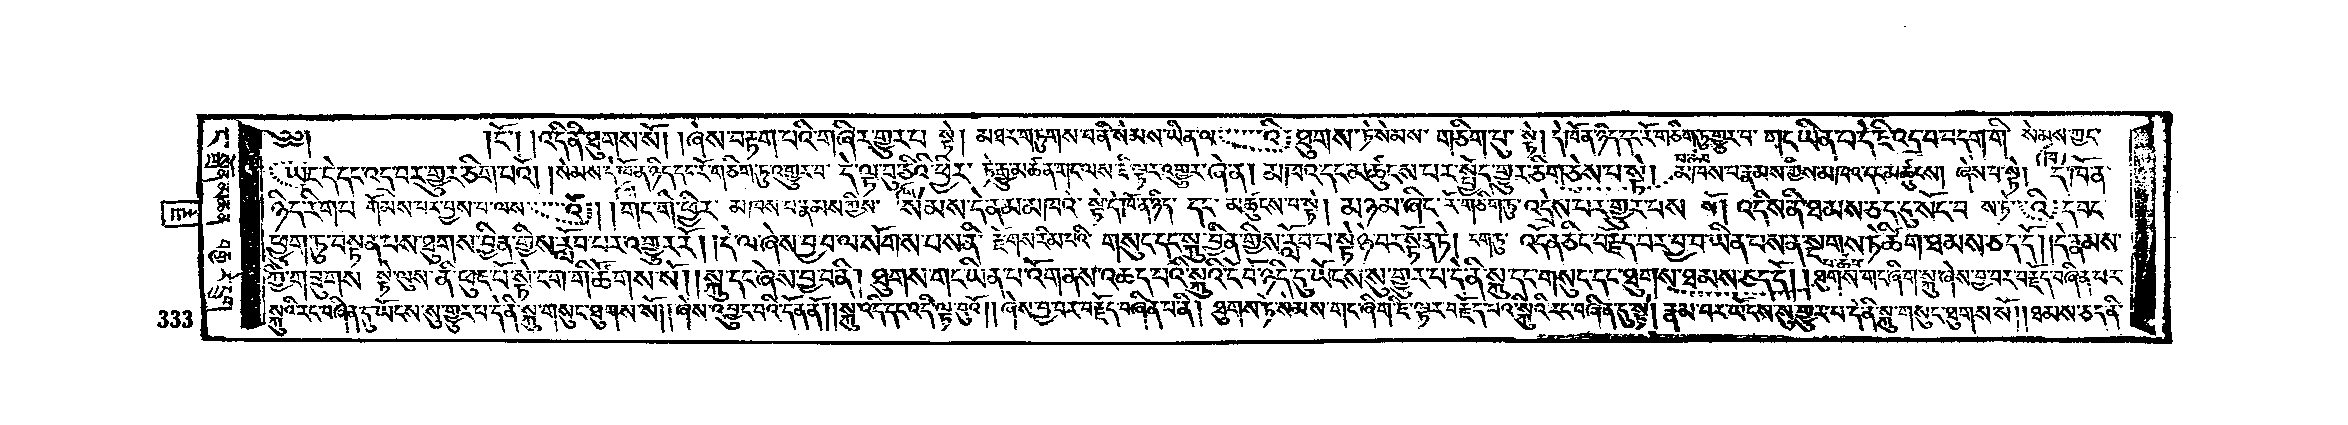༄༅། །ངོ། །འདི་ནི་ཐུགས་སོ། །ཞེས་བརྟག་པའི་གཞིར་གྱུར་པ་སྟེ། མཐར་གཏུགས་པ་ནི་སེམས་ཡིན་ལ་འི་ཐུགས་ཏེ་སེམས་གཅིག་པུ་སྟེ། དེ་ཁོ་ན་ཉིད་དང་རོ་གཅིག་ཏུ་གྱུར་པ་གང་ཡིན་པ་དེ་ཇི་འདྲ་བ་བདག་གི་སེམས་ཀྱང
ཡང་དེ་དང་འདྲ་བར་གྱུར་ཅིག་པའོ། ། སེམས་དེ་ཁོ་ན་ཉིད་དང་རོ་གཅིག་ཏུ་འགྱུར་བ་དེ་ལྟ་བུ་ཅིའི་ཕྱིར་ཏེ་རྒྱུ་མཚན་གང་ལས་ཇི་ལྟར་འགྱུར་ཞེ་ན། མཁའ་དང་མཚུངས་པར་སྤྱོད་གྱུར་ཅིག་ཅེས་པ་སྟེ། པ་ཚབ་མཁས་པ་རྣམས་ཀྱིས་མཁའ་དང་མཚུངས། ཞེས་པ་སྟེ། ?ཁ་དེ་ཁོ་ན་
ཉིད་རིག་པ་གོམས་པར་བྱས་པ་ལས་འོ། ། ?ཀ་གང་གི་ཕྱིར་མཁས་པ་རྣམས་ཀྱིས་སེམས་དེ་ནམ་མཁའ་སྟེ་དེ་ཁོ་ན་ཉིད་དང་མཚུངས་པ་སྟེ། མཉམ་ཞིང་རོ་གཅིག་ཏུ་འདྲེས་པར་གྱུར་པས་སོ། འདིས་ནི་ཐམས་ཅད་དུ་སོང་བས་ཏེ་འི་དབང་
ཕྱུག་ཏུ་བསྟན་པས་ཐུགས་བྱིན་གྱིས་རློབ་པར་འགྱུར་རོ། །དེ་ལ་ཞེས་བྱ་བ་ལ་སོགས་པས་ནི་རྫོགས་རིམ་པའི་གསུང་དང་སྐུ་བྱིན་གྱིས་རློབ་པ་སྟེ་ཉེ་བར་སྟོན་ཏེ། ངག་ཏུ་འདོན་ཅིང་བརྗོད་པར་བྱ་བ་ཡིན་པས་ན་སྔགས་ཏེ་ཚིག་ཐམས་ཅད་དོ། །དེ་རྣམས་
ཀྱི་གཟུགས་སྟེ་ལུས་ནི་ཕུང་པོ་སྟེ་ངག་གི་ཚོགས་སོ། །སྐུ་དང་ཞེས་བྱ་བ་ནི། ཐུགས་གང་ཡིན་པ་འོག་ནས་འཆད་པའི་སྐུའི་ངོ་བོ་ཉིད་དུ་ཡོངས་སུ་གྱུར་པ་དེ་ནི་སྐུ་དང་གསུང་དང་ཐུགས་ཐམས་ཅད་དོ། །པ་ཚབ་ཐུགས་གང་ཞིག་སྐུ་ཞེས་བྱ་བར་བརྗོད་བཞིན་པར་
སྐུའི་རང་བཞིན་དུ་ཡོངས་སུ་གྱུར་པ་དེ་ནི་སྐུ་གསུང་ཐུགས་སོ། །ཞེས་འབྱུང་བའི་དོན་ནོ། །སྐུ་འདི་དང་འདི་ལྟ་བུའོ། །ཞེས་བྱ་བར་བརྗོད་བཞིན་པ་ནི། ཐུགས་ཏེ་སེམས་གང་ཞིག་ཇི་ལྟར་བརྗོད་པའི་སྐུའི་རང་བཞིན་དུ་སྟེ། རྣམ་པར་ཡོངས་སུ་གྱུར་པ་དེ་ནི་སྐུ་གསུང་ཐུགས་སོ། །ཐམས་ཅད་ནི